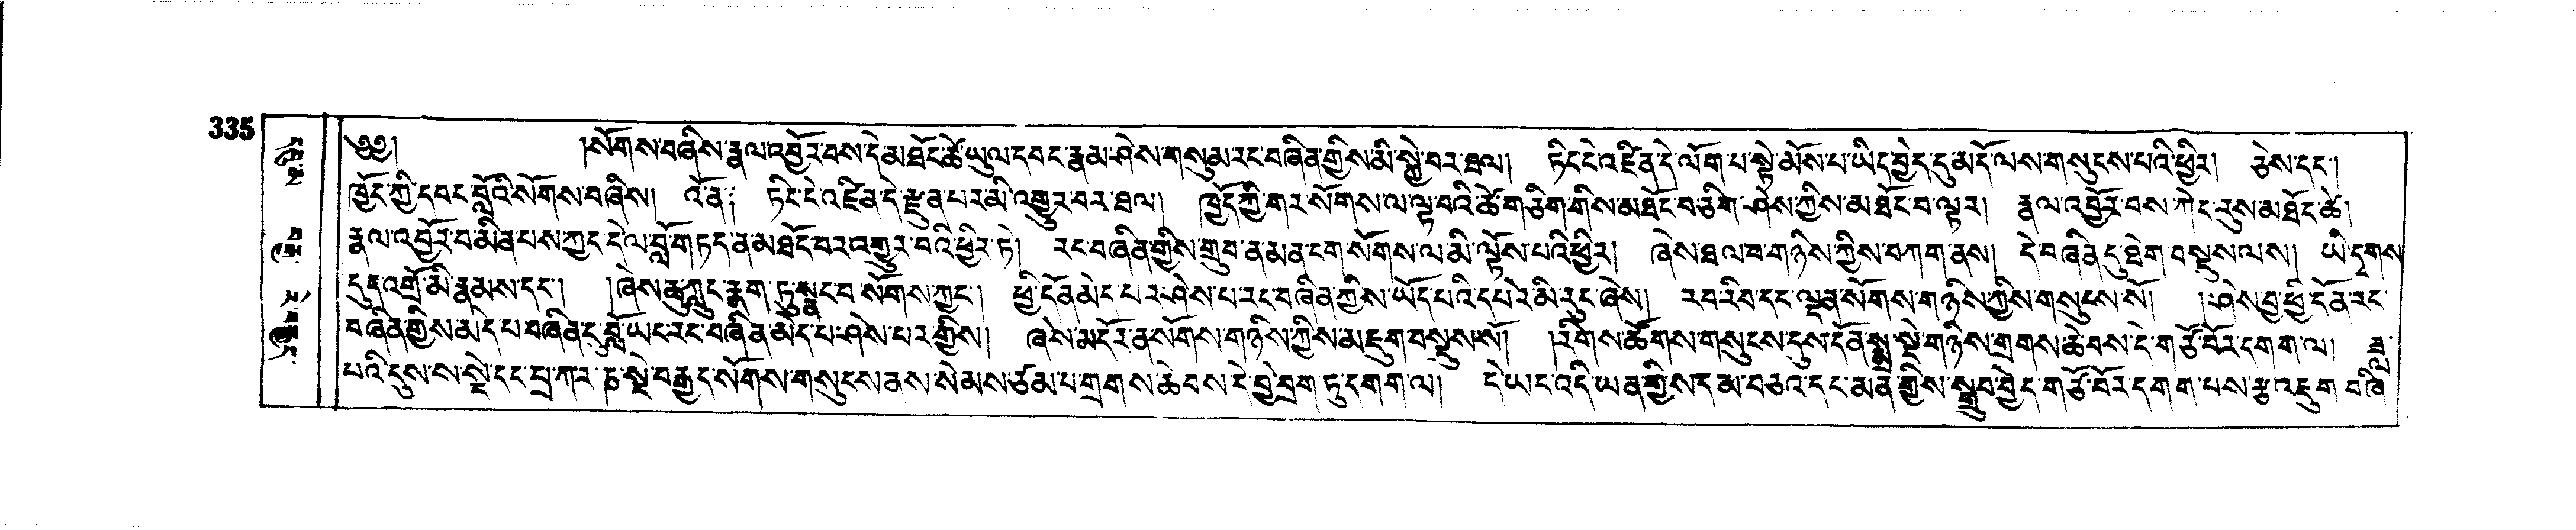༄༅། །སོགས་བཞིས་རྣལ་འབྱོར་བས་དེ་མཐོང་ཚེ་ཡུལ་དབང་རྣམ་ཤེས་གསུམ་རང་བཞིན་གྱིས་མི་སྐྱེ་བར་ཐལ། ཏིང་ངེ་འཛིན་དེ་ལོག་པ་སྟེ་མོས་པ་ཡིད་བྱེད་དུ་མདོ་ལས་གསུངས་པའི་ཕྱིར། ཅེས་དང་།
ཁྱོད་ཀྱི་དབང་བློའི་སོགས་བཞིས། འོ་ན༑ ཏིང་ངེ་འཛིན་དེ་རྫུན་པར་མི་འགྱུར་བར་ཐལ། ཁྱོད་ཀྱི་གར་སོགས་ལ་ལྟ་བའི་ཚེ་གཅིག་གིས་མཐོང་བ་ཅིག་ཤེས་ཀྱིས་མཐོང་བ་ལྟར། རྣལ་འབྱོར་བས་ཀེང་རུས་མཐོང་ཚེ།
རྣལ་འབྱོར་བ་མིན་པས་ཀྱང་དེ་ལ་བློ་གཏད་ན་མཐོང་བར་འགྱུར་བའི་ཕྱིར་ཏེ། རང་བཞིན་གྱིས་གྲུབ་ན་མན་ངག་སོགས་ལ་མི་ལྟོས་པའི་ཕྱིར། ཞེས་ཐལ་བ་གཉིས་ཀྱིས་བཀག་ནས། དེ་བཞིན་དུ་ཐེག་བསྡུས་ལས། ཡི་དྭགས་
དུད་འགྲོ་མི་རྣམས་དང་། །ཞེས་ཆུ་ཀླུང་རྣག་ཏུ་སྣང་བ་སོགས་ཀྱང་། ཕྱི་དོན་མེད་པར་ཤེས་པ་རང་བཞིན་གྱིས་ཡོད་པའི་དཔེར་མི་རུང་ཞེས། རབ་རིབ་དང་ལྡན་སོགས་གཉིས་ཀྱིས་གསུངས་སོ། །ཤེས་བྱ་ཕྱི་དོན་རང་
བཞིན་གྱིས་མེད་པ་བཞིན་དུ་བློ་ཡང་རང་བཞིན་མེད་པ་ཤེས་པར་གྱིས། ཞེས་མདོར་ན་སོགས་གཉིས་ཀྱིས་མཇུག་བསྡུས་སོ། །རིགས་ཚོགས་གསུངས་དུས་དོན་སྨྲ་སྡེ་གཉིས་གྲགས་ཆེ་བས་དེ་གཙོ་བོར་དགག་ལ། ཟླ་
པའི་དུས་ས་སྡེ་དང་པྲ་ཀ་ར་ཎ་སྡེ་བརྒྱད་སོགས་གསུངས་ནས་སེམས་ཙམ་པ་གྲགས་ཆེ་བས་དེ་བྱེ་བྲག་ཏུ་དགག་ལ། དེ་ཡང་འདི་ཡན་གྱིས་དམ་བཅའ་དང་མན་གྱིས་སྒྲུབ་བྱེད་གཙོ་བོར་དགག་པས་རྩ་འཇུག་བཞི་